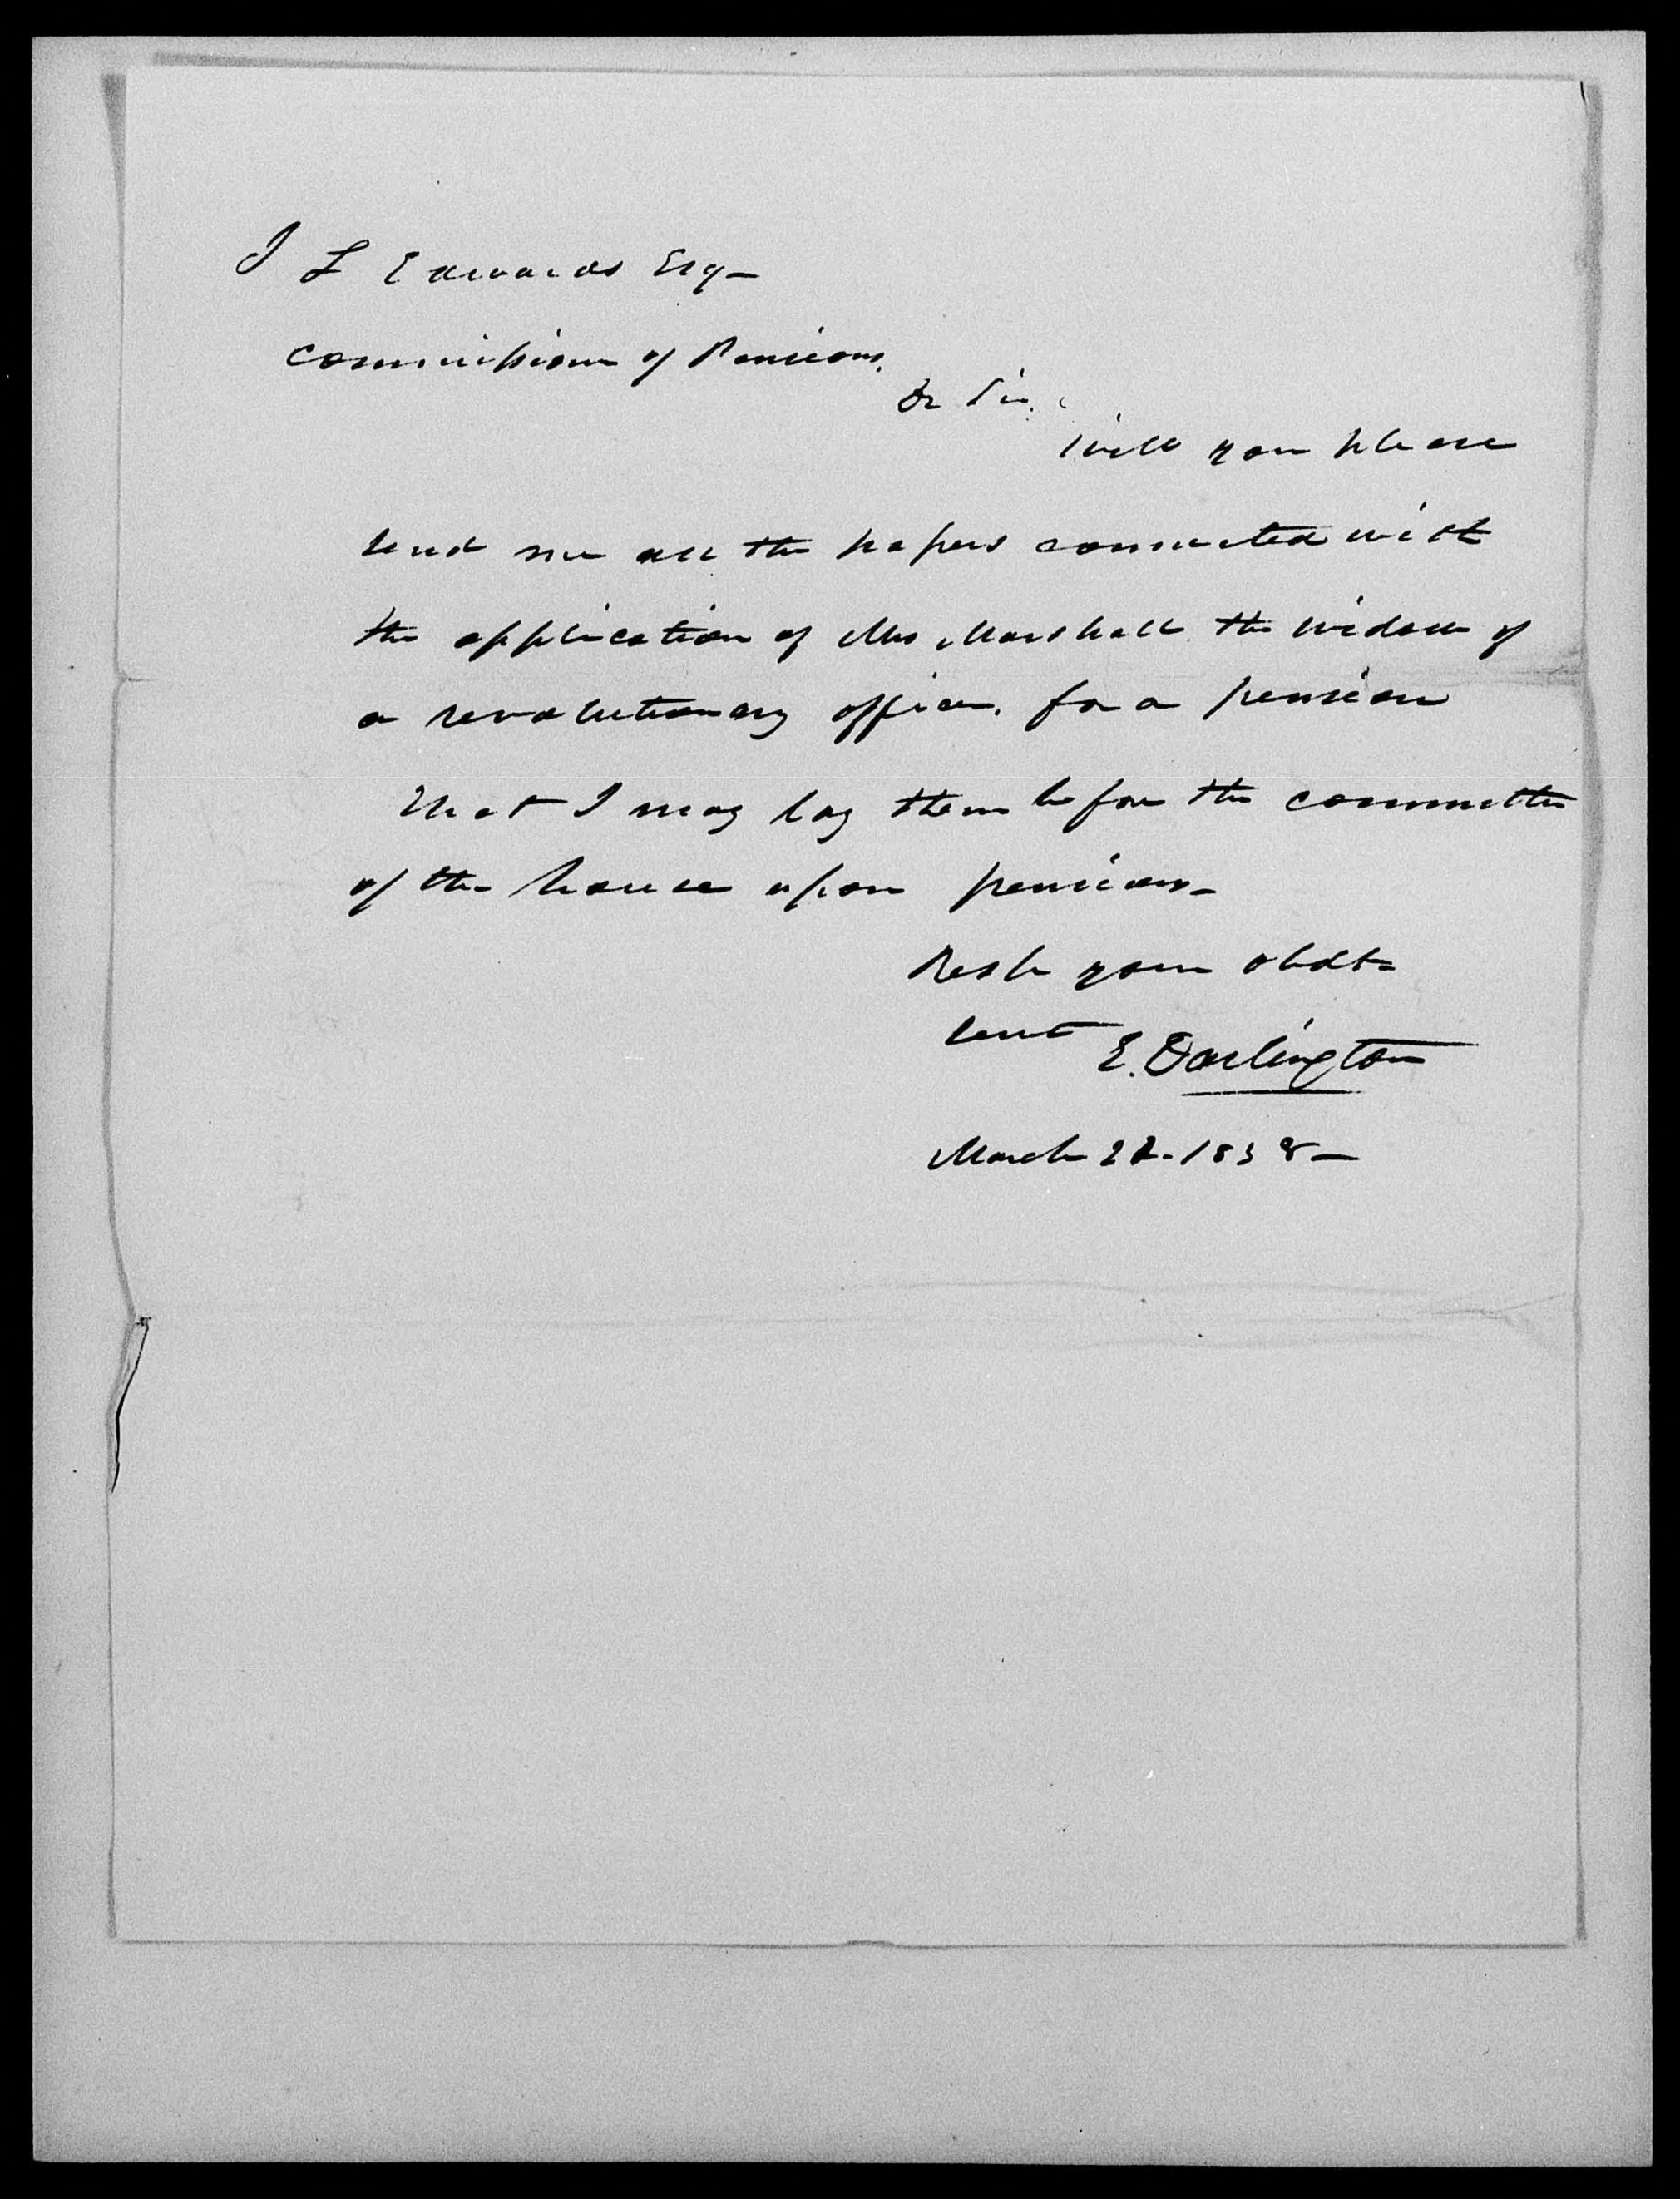J L Edwards Esq
Commission of Pensions

Dr Sir
Will you please send me all the papers connected with the application of Mrs Marshall the widow of a revolutionary officer for a pension

[Illegible] I may lay them before the committee of the house upon pensioners.

[Illegible] your obdt. sevt
E. Darlington
March 22. 1838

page: 48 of 86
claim: widow's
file: W. 3571, for David Marshall, Pennsylvania